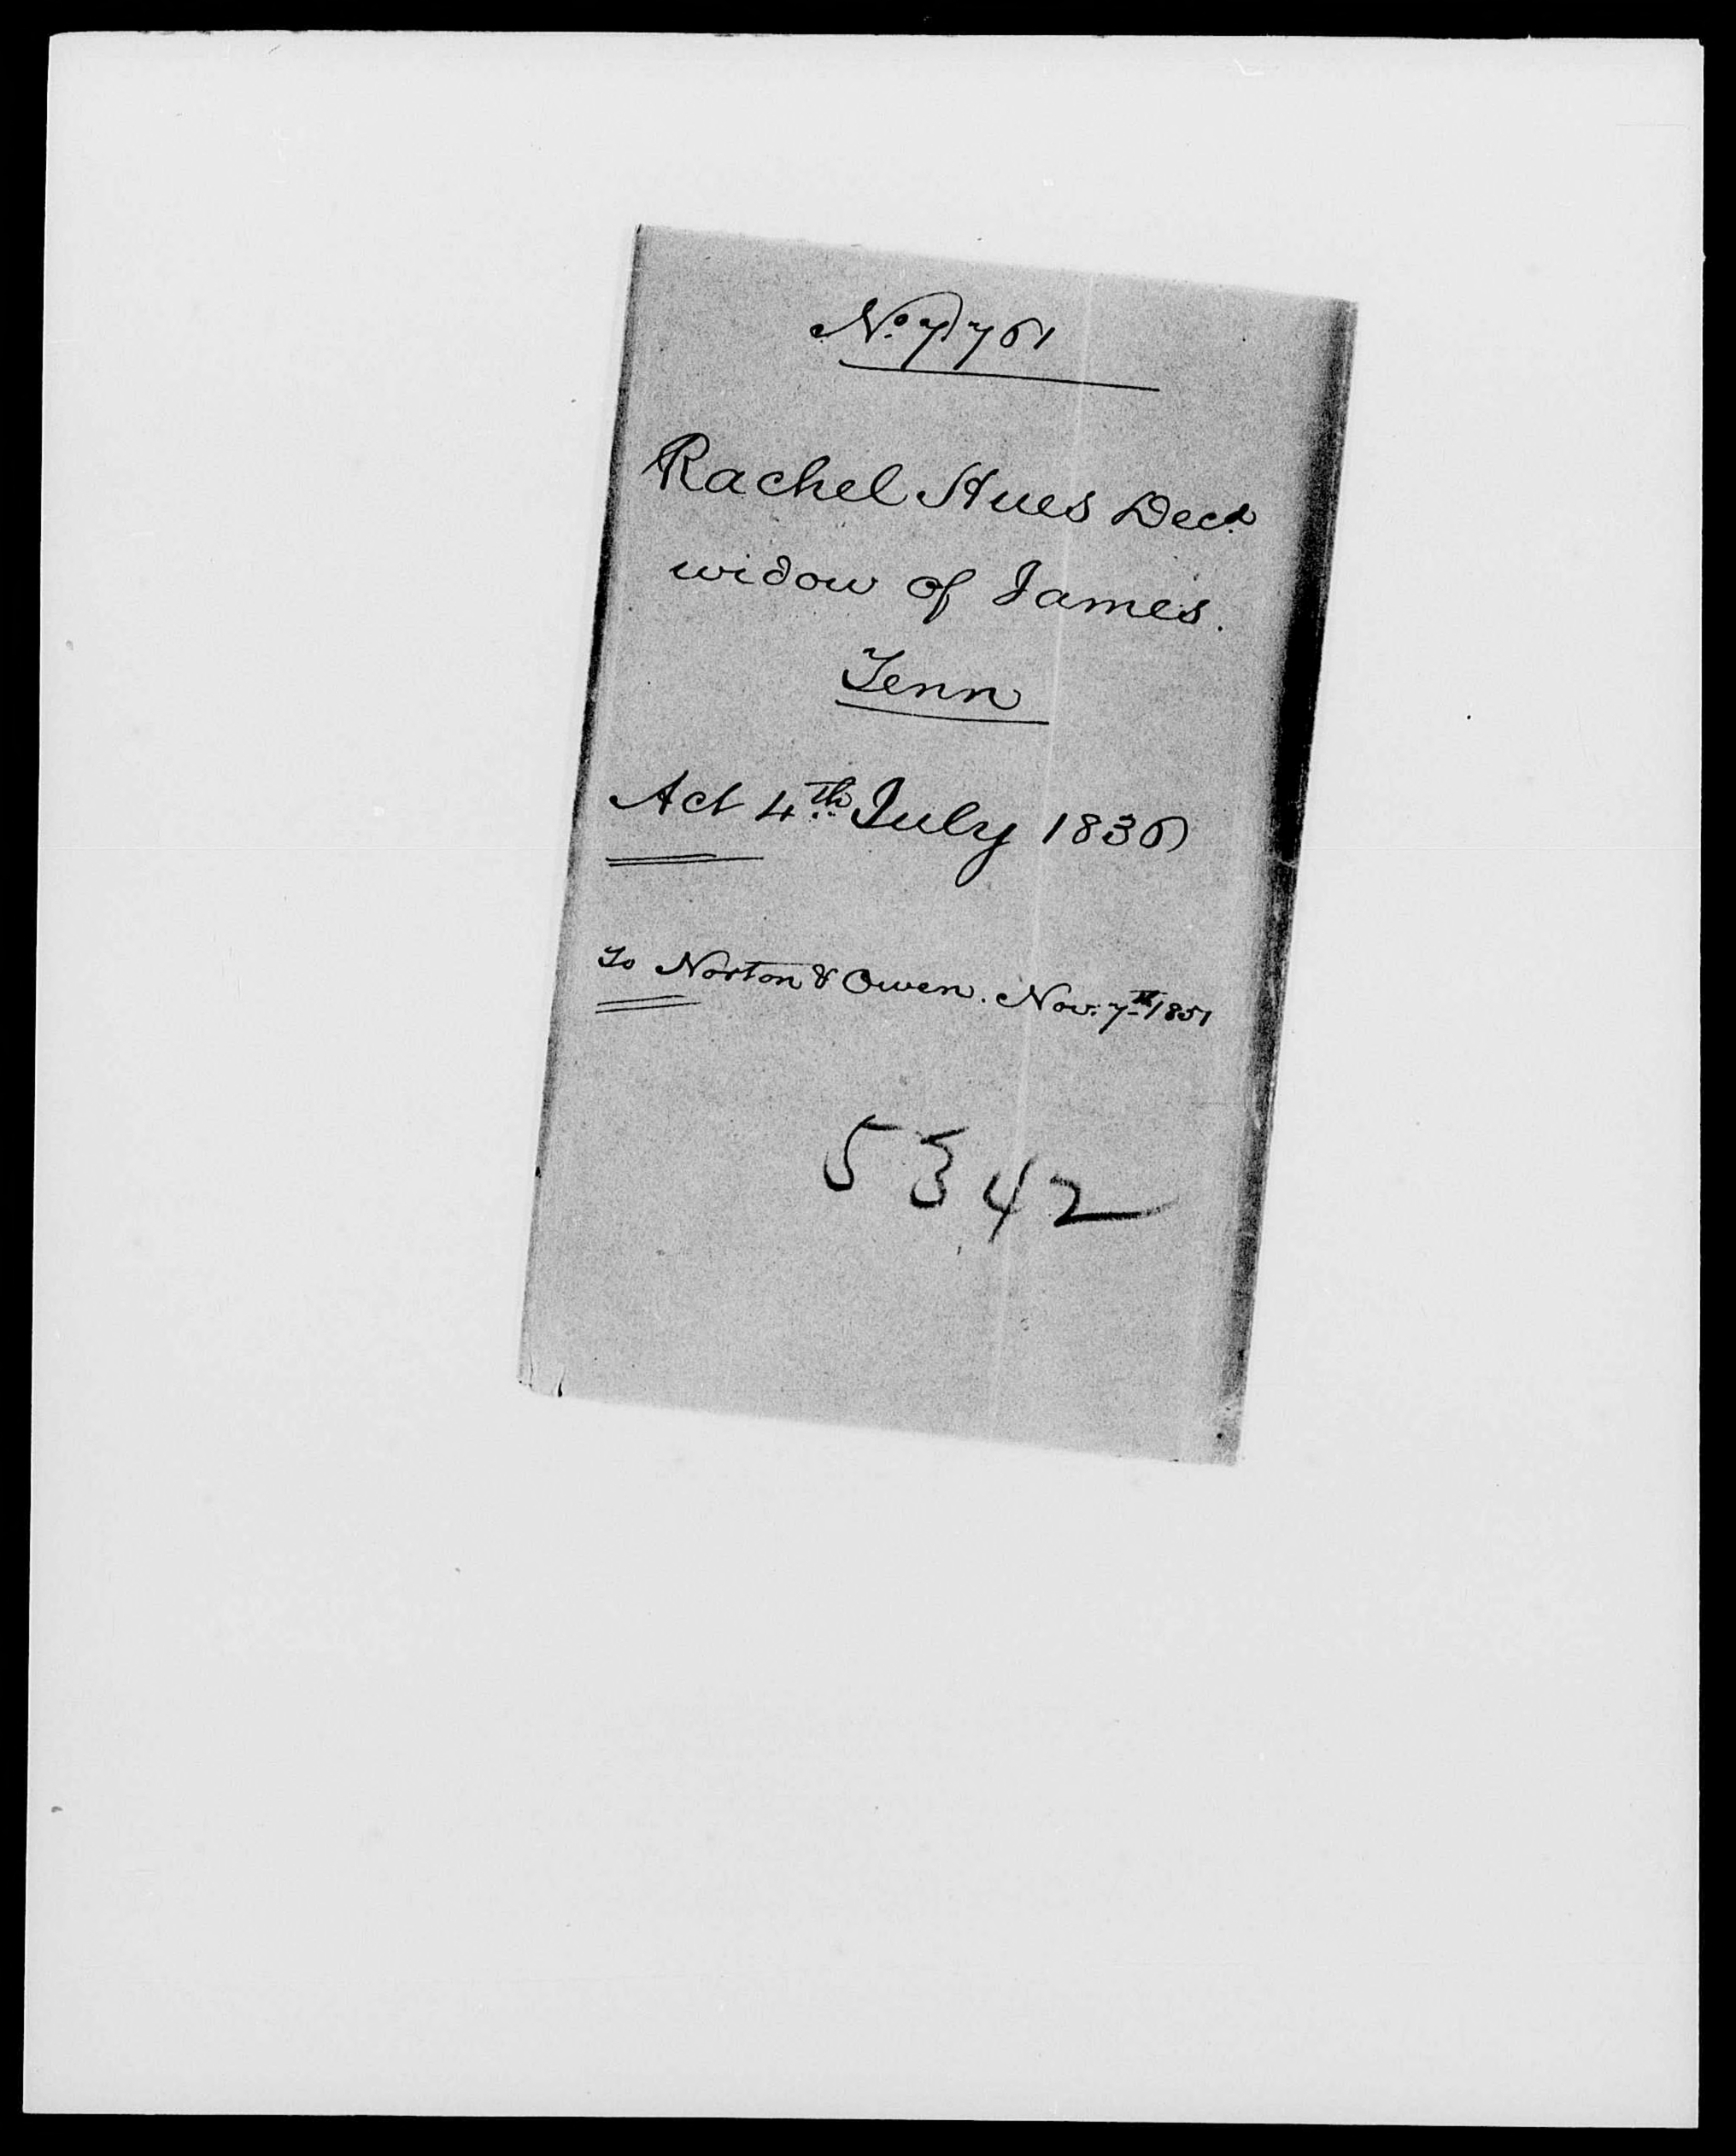No. 7761
Rachel Hues Decd.
widow of James
Tennessee

Act 4th. July 1836

To Norton & Owen Nov. 7th 1851

5342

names: Norton, Rachel Hues, James Hues, Owen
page: 22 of 24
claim: rejected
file: R. 5342, James Hues, N.C.